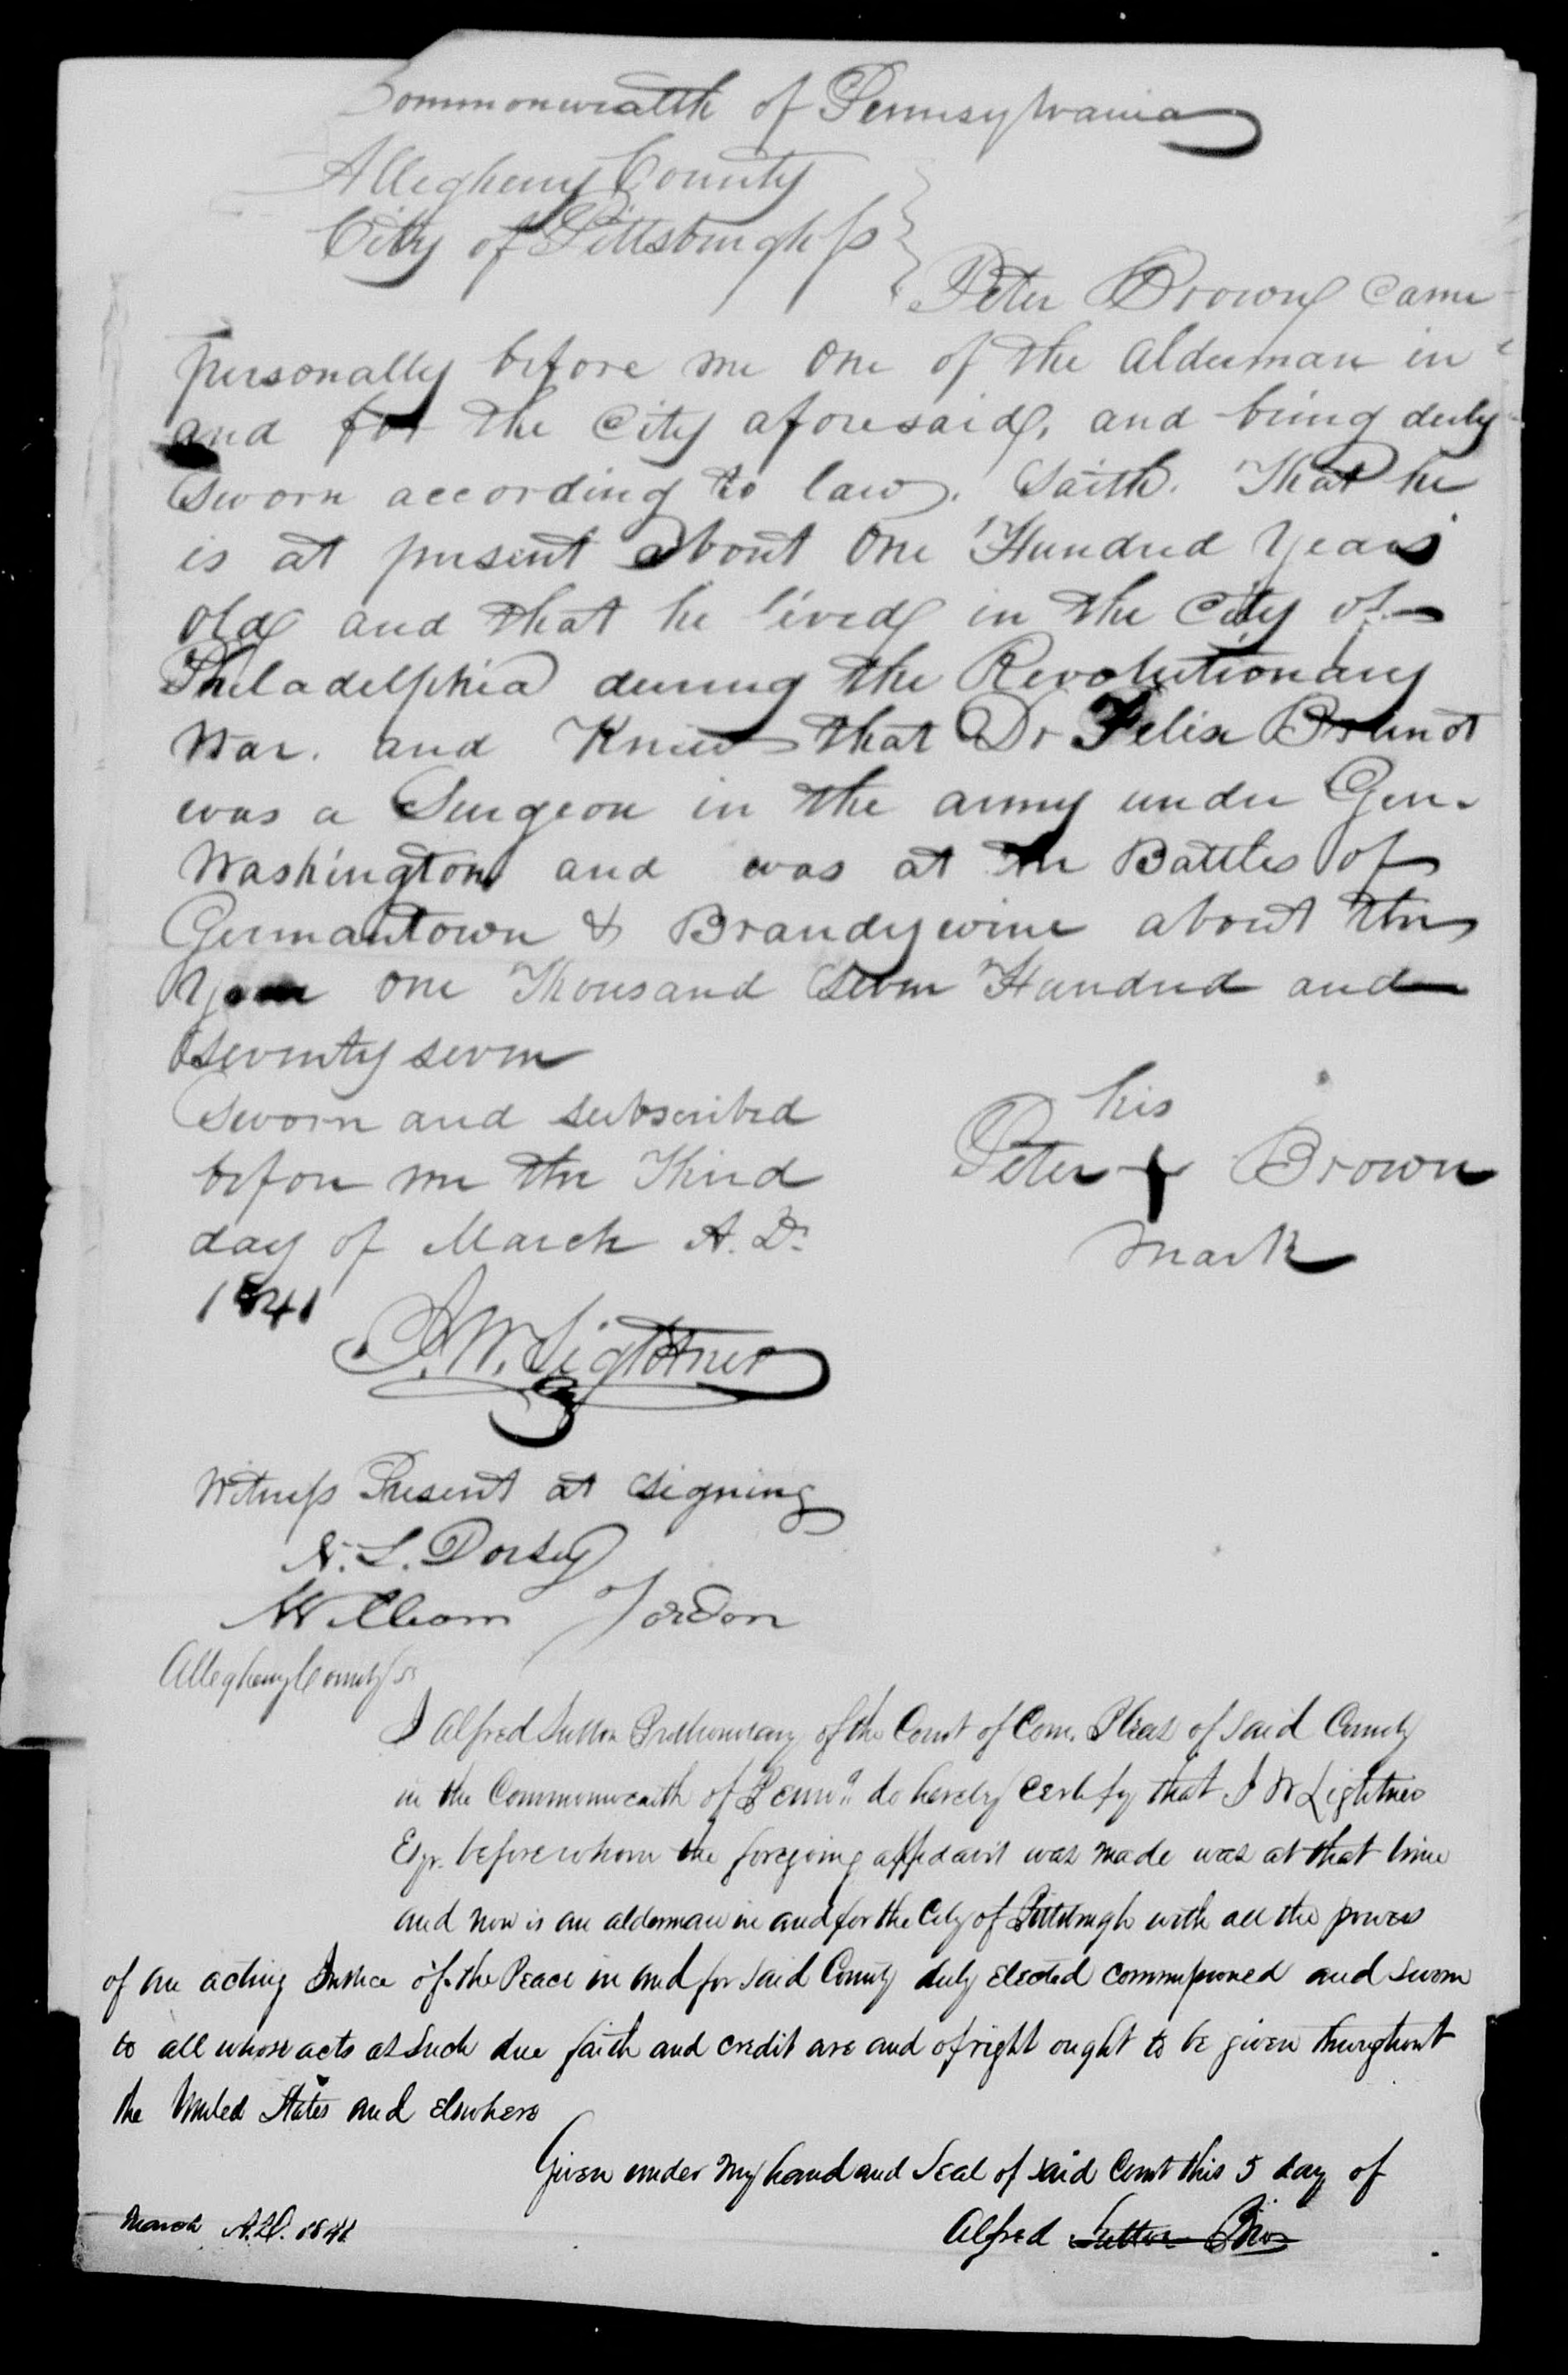Commonwealth of Pennsylvania
Allegheny County
City of Pittsburgh
Peter Brown came personally before me one of the alderman in and for the city aforesaid, and being duly sworn according to law saith that he is at present about one hundred years old and that he lived in the city of Philadelphia during the Revolutionary war and knows that Dr. Felix Bruno was a Surgeon in the army under Gen. Washington and was at the Battles of Germantown & Brandywine about this year one thousand seven hundred and seventy seven.
Sworn and subscribed before me the third day of March A.D. 1841
[illegible signature]
his mark
Peter Brown
Witness present at signing S.L. Dorsey
William Jordon
Allegheny County
I Alfred Sutton Prothonotary of the Court of Com. Pleas of Said County in the Commonwealth of Penna. do hereby certify that I N Lightner Esq before whom the foregoing affidavit was made was at that time and now is an alderman in and for the city of Pittsburgh with all the process of the acting Justice of the Peace in and for said County duly elected commproved and sworn to all whose acts as such due faith and credit are and of right ought to be given throughout the United States and Elsewhere 
Given under my hand and seal of said court this 5 day of March AD 1841 Alfred Sutton Pro.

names: Washington, Peter Brown, William Jordon, Felix Brunot, Alfred Sutton, J W Lightner, J W Lightner, N L Dorsey, Peter Brown, Alfred Sutton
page: 14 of 34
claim: rejected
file: R. 1371, Felix Brunot, Penn.